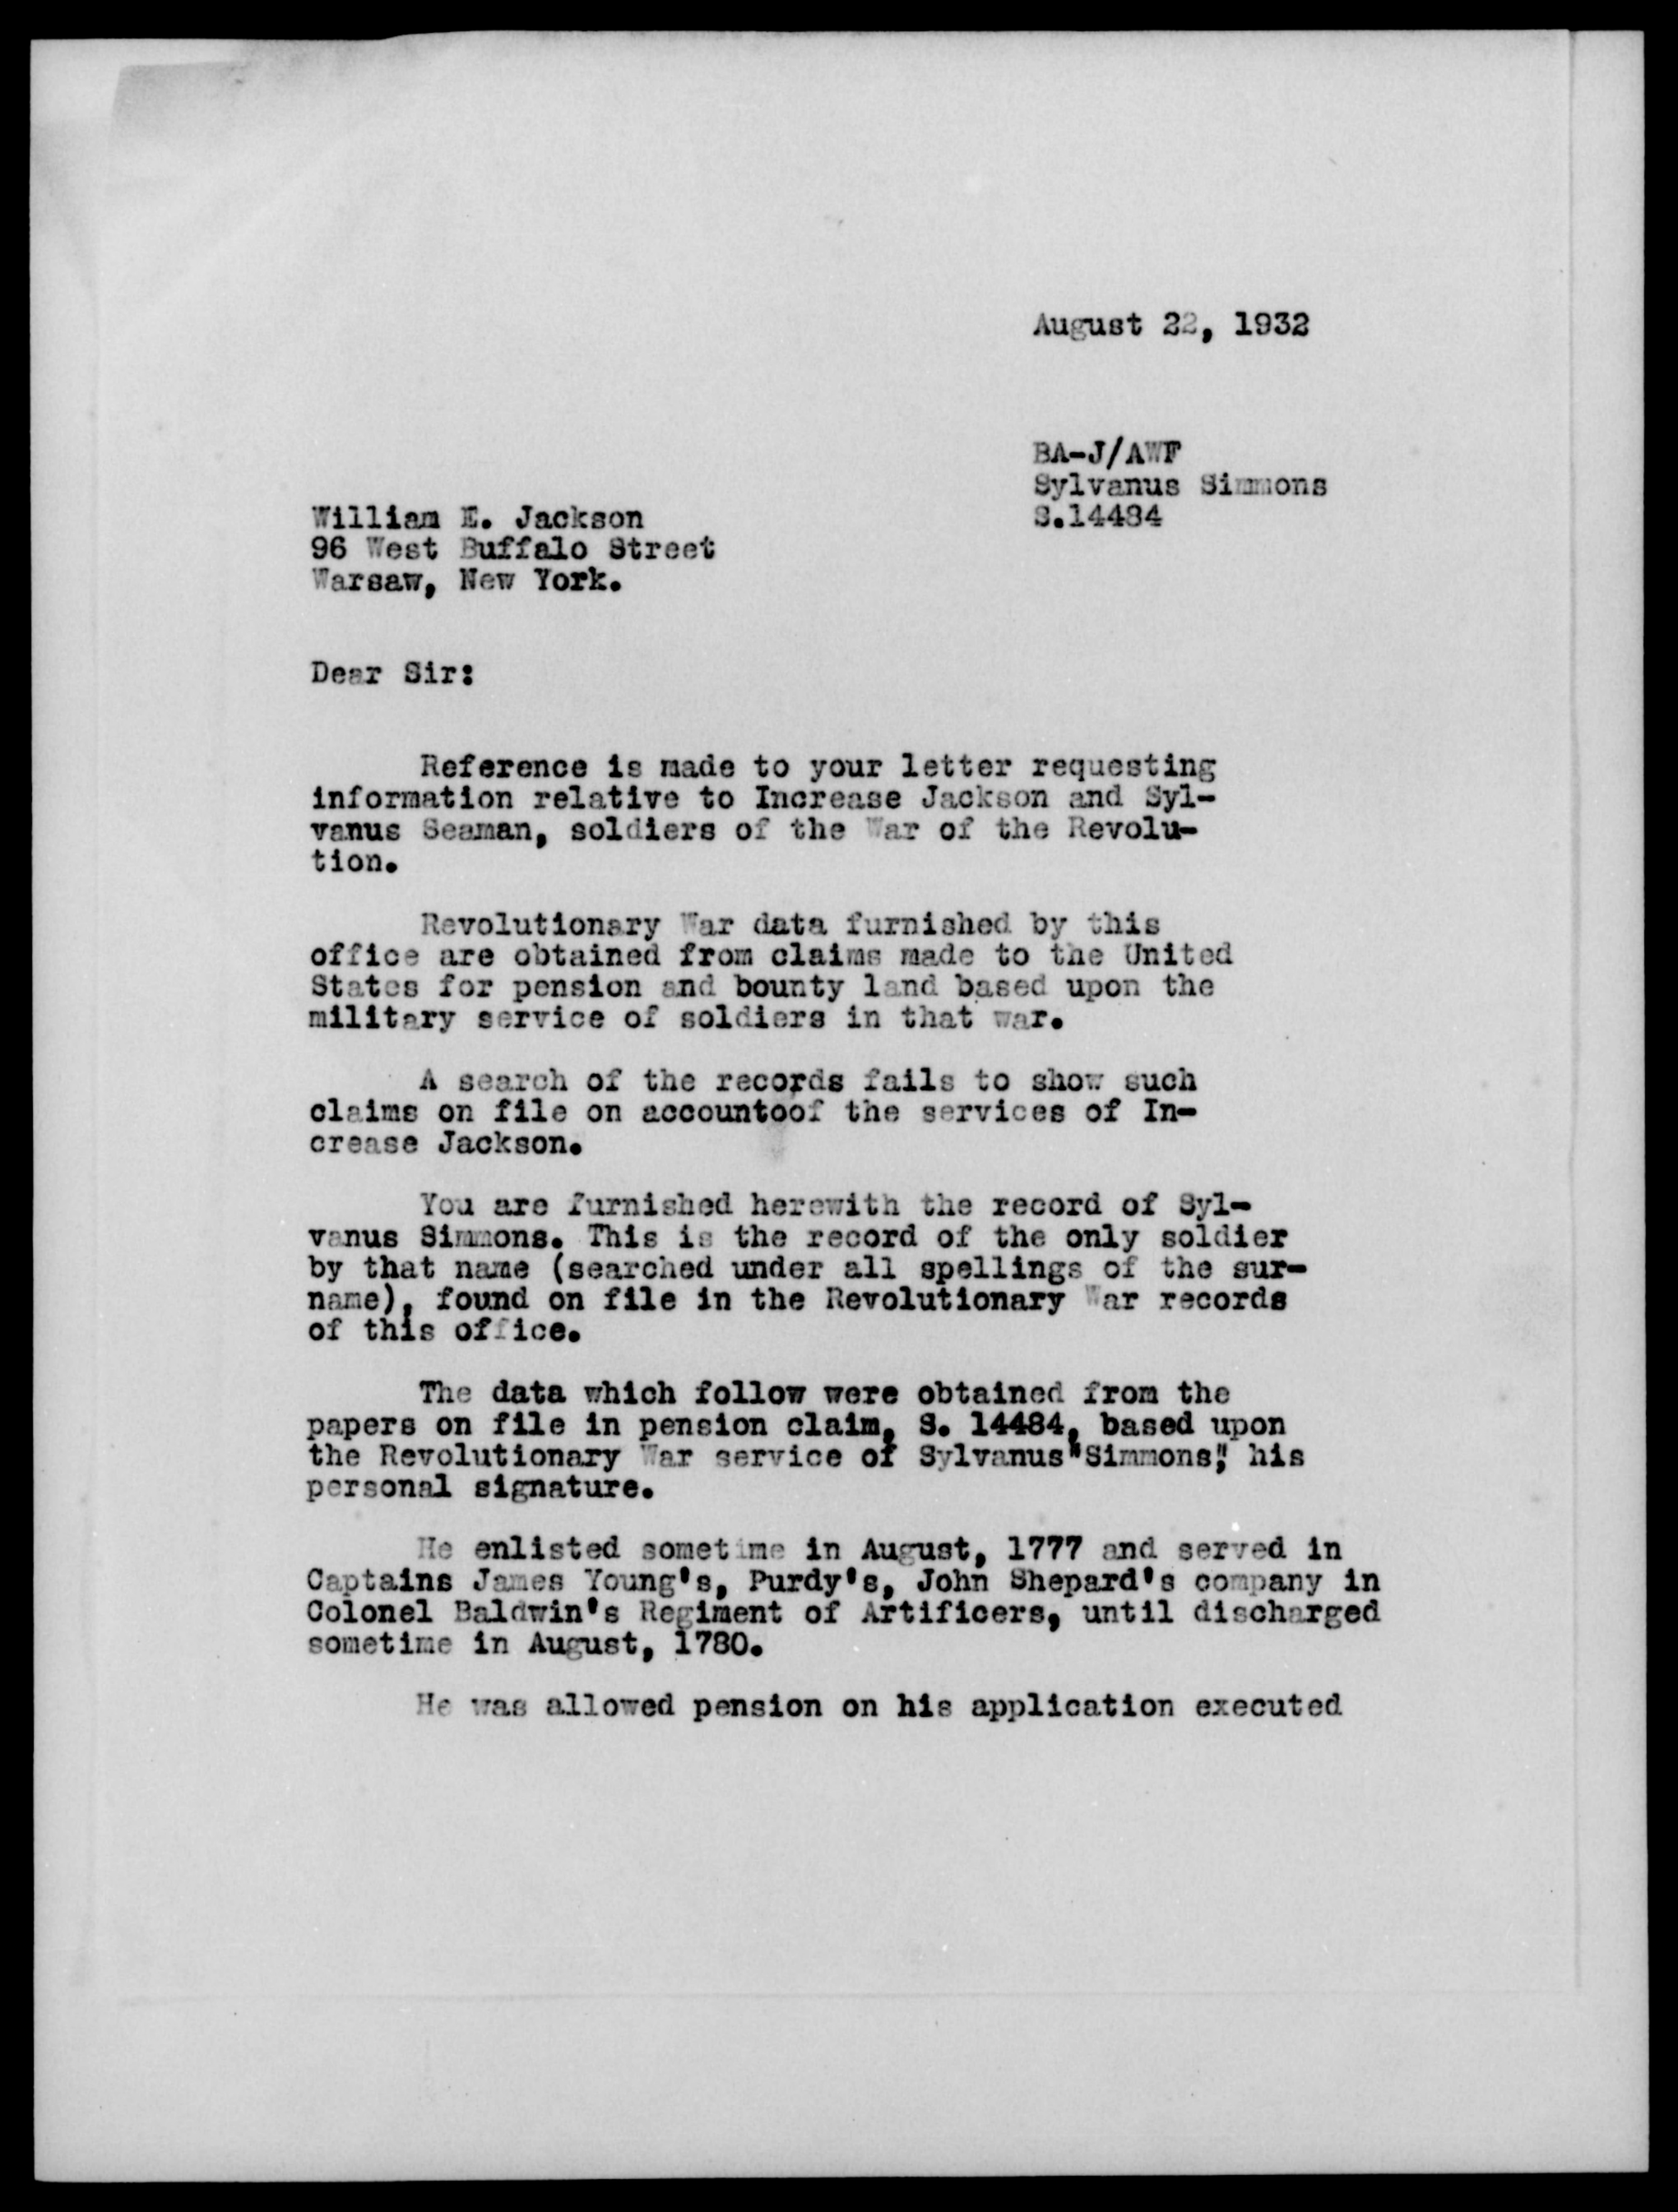August 22, 1932

BA-J/AWF
Sylvanus Simmons
S. 14484

William E. Jackson
96 West Buffalo Street
Warsaw, New York.
Dear Sir:

Reference is made to your letter requesting
information relative to Increase Jackson and Sylvanus
Seaman, soldiers of the War of the Revolution

Revolutionary War data furnished by this
office are obtained from claims made to the United States
for pension and bounty land based upon the
military service of soldiers in that war.

A search of the records fails to show such
claims on file on account of the services of Increase
Jackson.

You are furnished herewith the record of Sylvanus
Simmons. This is the record of the only soldier
by that name (searched under all spellings of the surname), found on file in the Revolutionary War records
of this office.

The data which follow were obtained from the
papers on file in pension claim, S. 14484, based upon
the Revolutionary War service of Sylvanus Simmons, his
personal signature.

He enlisted sometime in August, 1777 and served in Captains James Young's, Purdy's, John Shepard's company in 
Colonel Baldwin's Regiment of Artificers, until discharged
sometime in August, 1780.

He was allowed pension on his application executed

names: Sylvanus Simmons; Sylvanus Simmons; Increase Jackson; Sylvanus Seaman; Sylvanus Simmons; Increase Jackson; William E Jackson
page: 16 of 31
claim: survivor's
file: S. 14484, for Sylvanus Simmons, New York